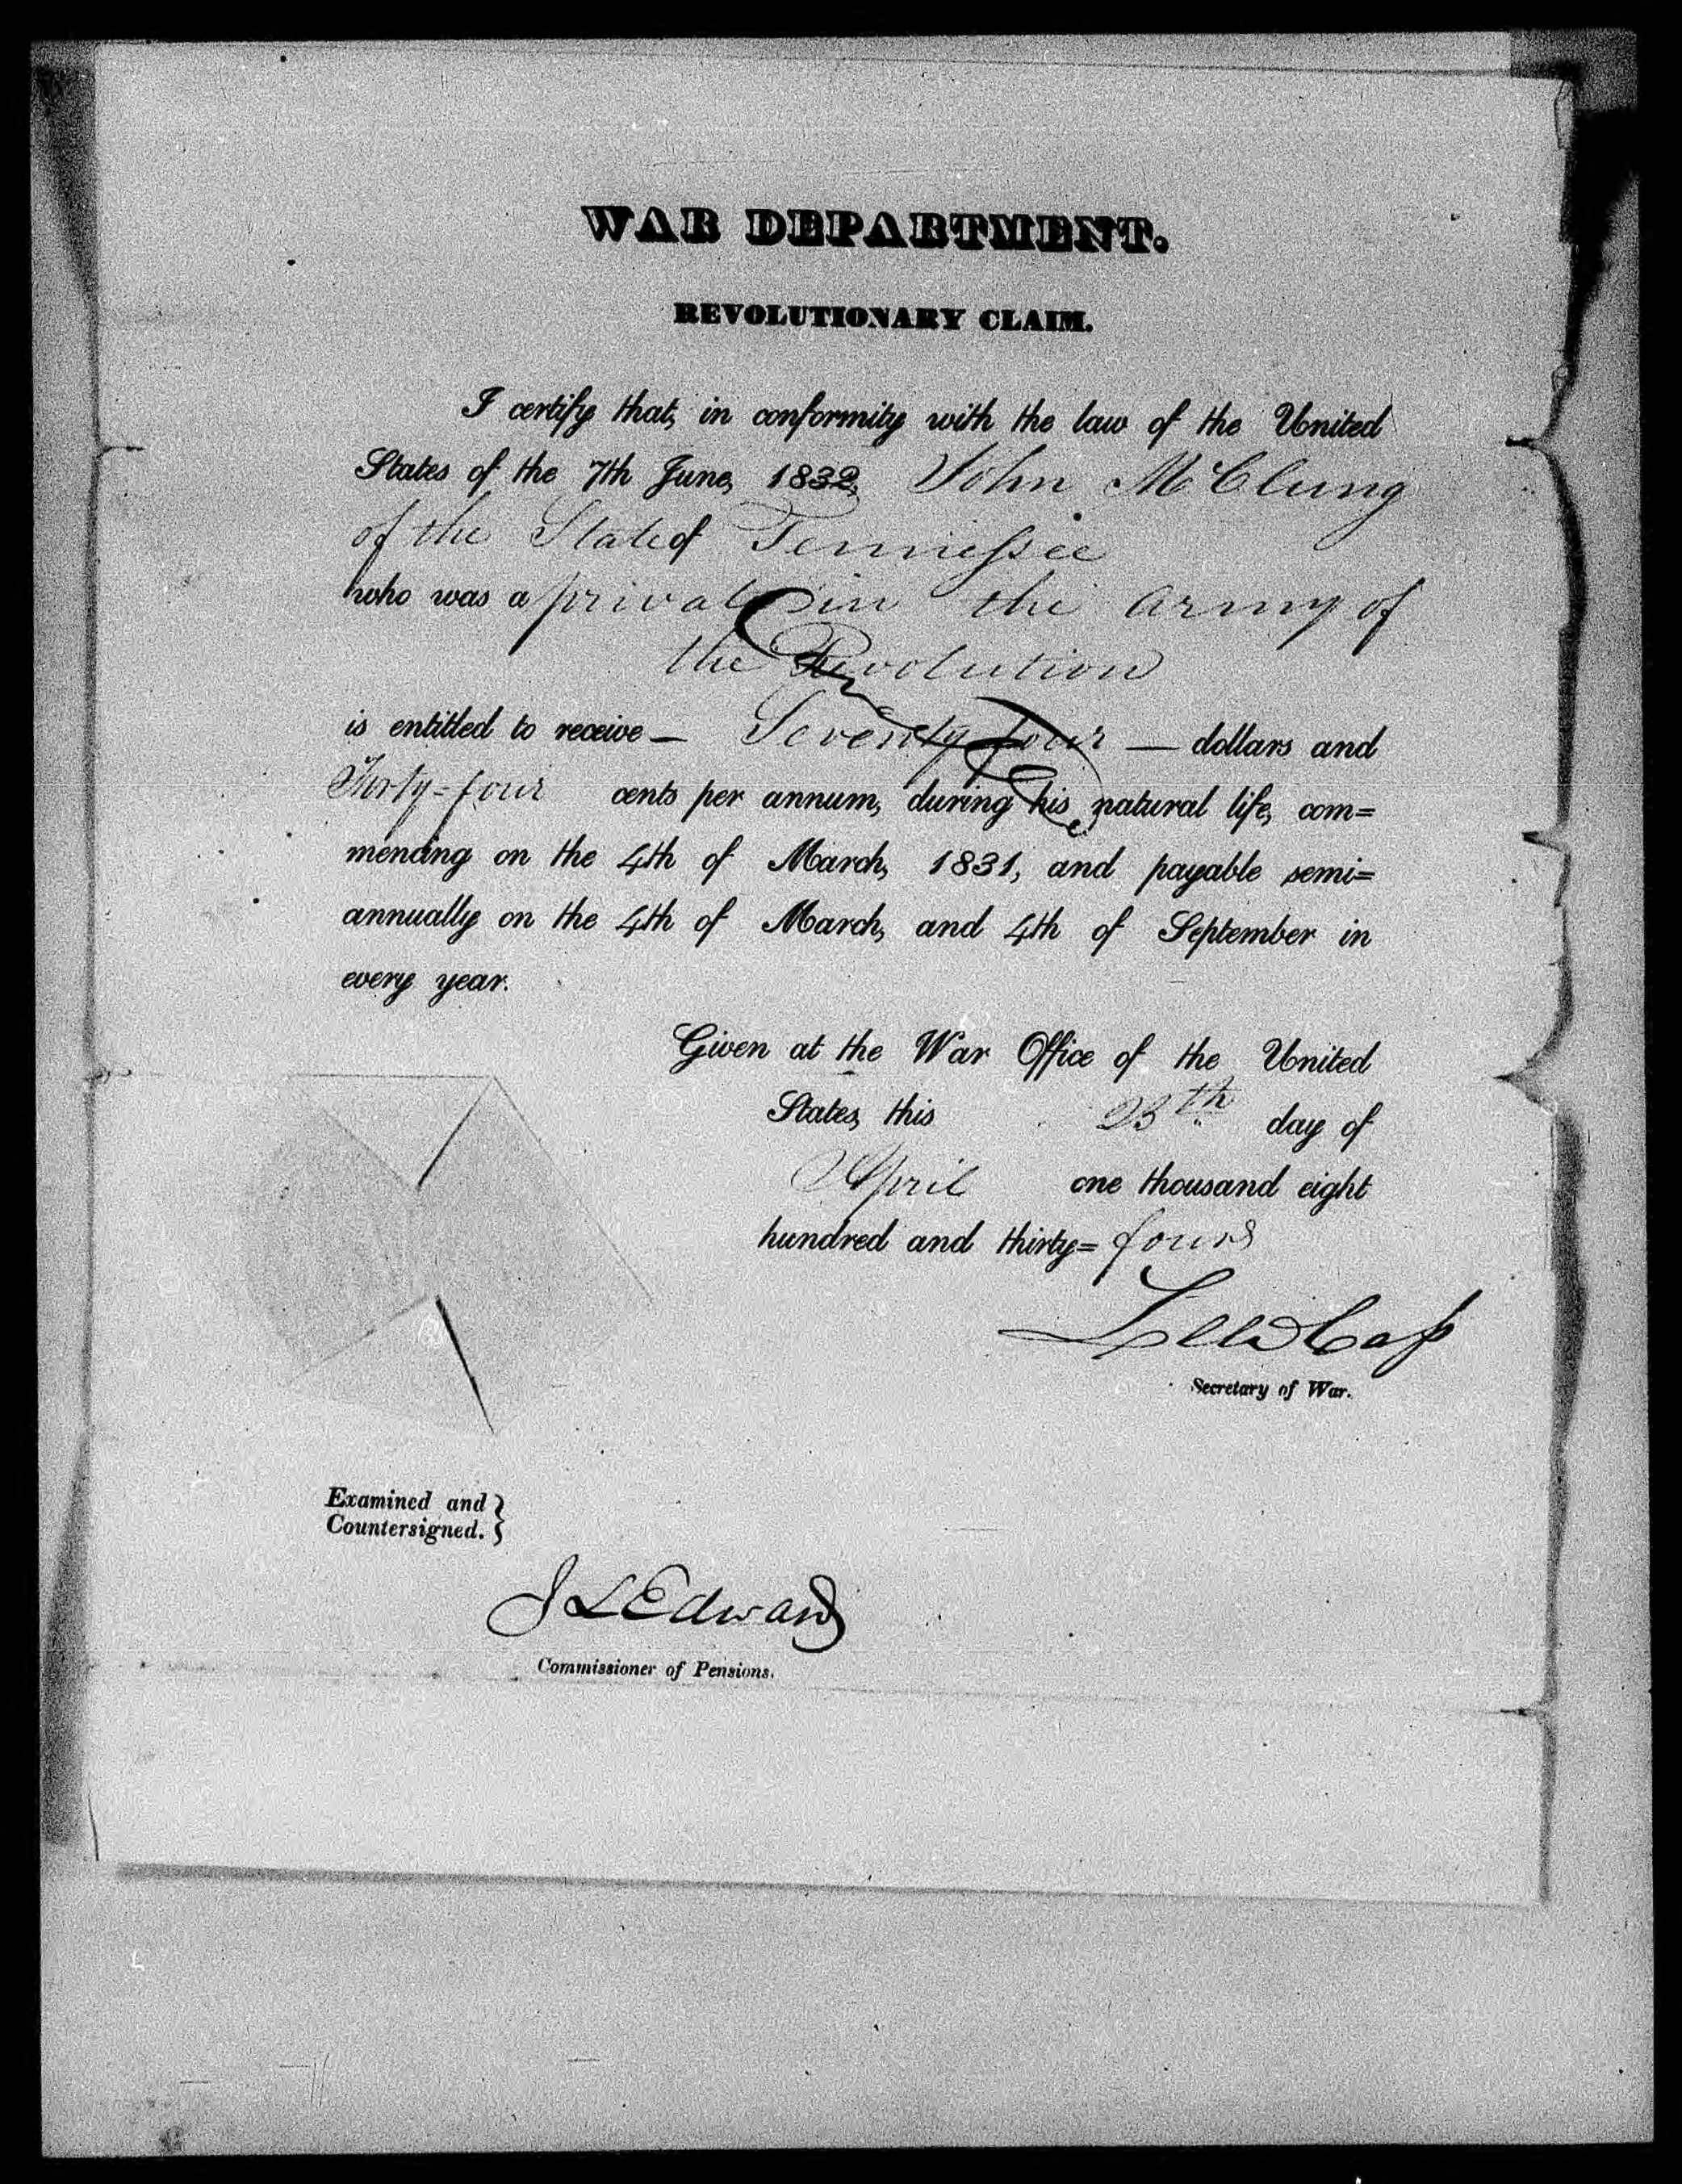WAR DEPARTMENT.
REVOLUTIONARY CLAIM.
I certify that in conformity with the law of the United States of the 7th June, 1832, John McClung of the State of Tennessee who was a private in the Army of the Revolution is entitled to receive- seventy four dollars and forty-four cents per annum, during his natural life, commencing on the 4th of March, 1831, and payable semi annually on the 4th of March, and 4th of September in every year

Given at the War Office of the United States, this 25th day of April one thousand eight hundred and thirty-four

Lew Cass
Secretary of War.

Examined and
Countersigned.}
J L Edwards
Commissioner of Pensions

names: John Mc Clung; J L Edwards; Lew Cass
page: 95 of 115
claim: widow's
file: W. 1446, for John Mc Clung, South Carolina